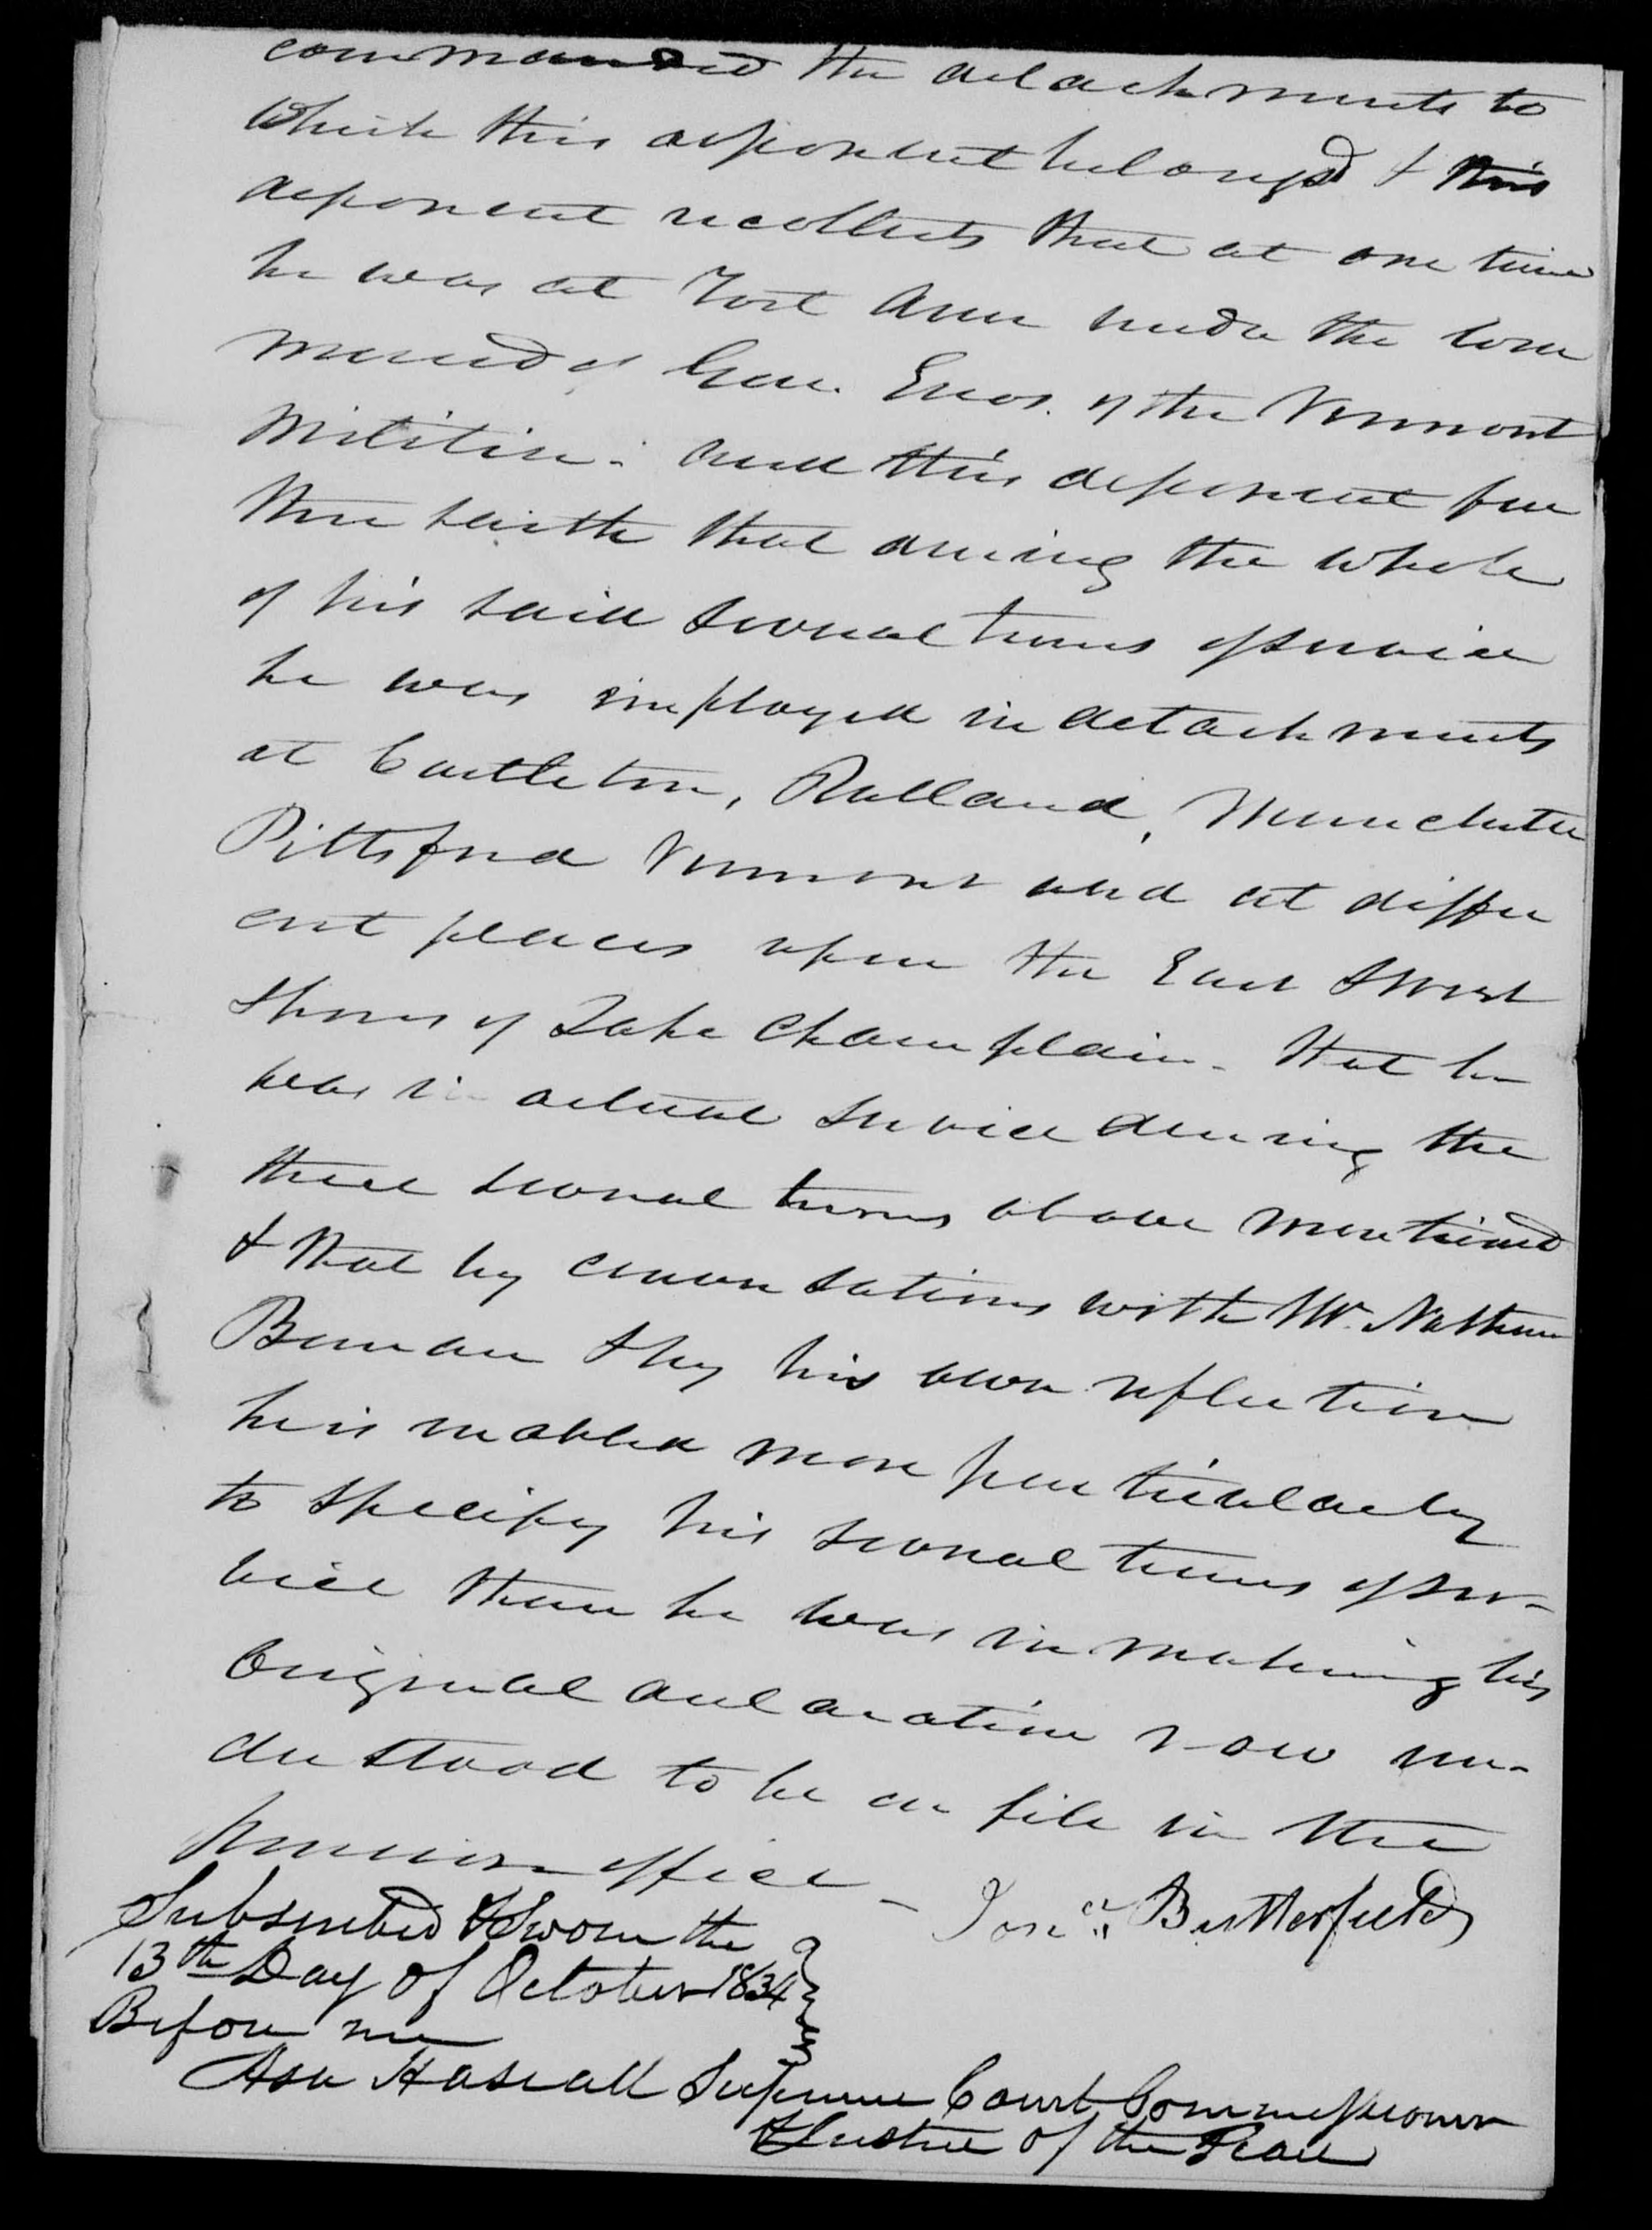commanded the attachment to
which this deponent belonged & this
deponent recollects that at one time
he was at Fort Ann under the command of Gen Enos of the Vermont Militia, and this deponent for the faith that during the whole of his said several times of service
he was employed in detachments
at Castleton, Rolland, Manchester, Pittsford Vermont and at different places upon the East West Shore of Lake Champlain, that he
was in actual service during the these several times above mentioned & that by conversation with Mr Nathan Benan & by his own reflection he is unable more particularly to specify his several times of service other than he was in making his
Original declaration now understood to be 
 on file in the pension office
                                    Jonathan Butterfield

Subscribed & Sworn the13th Day of
October 1834 before me 
Asa Hassall Supreme Court Commissioner
Justice of the Peace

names: Enos, Nathan Bernan, Pearl, Asa Hascall, Jona Butterfield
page: 21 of 40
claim: rejected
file: R. 1558, Jonathan Butterfield, Mass. Vt.